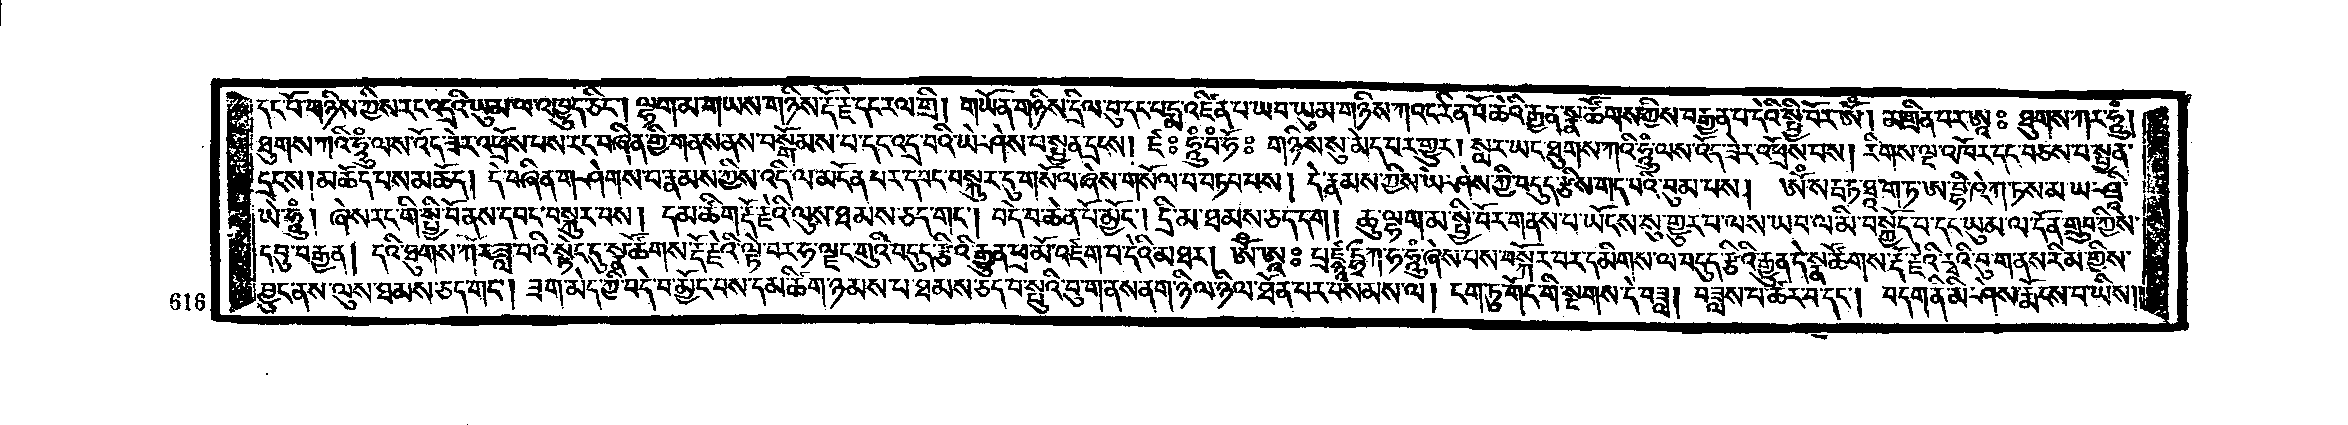དང་པོ་གཉིས་ཀྱིས་རང་འདྲའི་ཡུམ་ལ་འཁྱུད་ཅིང་། ལྷག་མ་གཡས་གཉིས་རྡོ་རྗེ་དང་རལ་གྲི། གཡོན་གཉིས་དྲིལ་བུ་དང་པདམ་འཛིན་པ་ཡབ་ཡུམ་གཉིས་ཀའང་རིན་པོ་ཆེའི་རྒྱན་སྣ་ཚོགས་ཀྱིས་བརྒྱན་པ་དེའི་སྤྱི་བོར་ཨོཾ། མགྲིན་པར་ཨཱཿ ཐུགས་ཀར་ཧཱུཾ།
ཐུགས་ཀའི་ཧཱུཾ་ལས་འོད་ཟེར་འཕྲོས་པས་རང་བཞིན་གྱི་གནས་ནས་བསྒོམས་པ་དང་འདྲ་བའི་ཡེ་ཤེས་པ་སྤྱན་དྲངས། ཛཿ ཧཱུཾ་བཾ་ཧོཿ གཉིས་སུ་མེད་པར་གྱུར། སླར་ཡང་ཐུགས་ཀའི་ཧཱུཾ་ལས་འོད་ཟེར་འཕྲོས་པས། རིགས་ལྔ་འཁོར་དང་བཅས་པ་སྤྱན་
དྲངས། མཆོད་པས་མཆོད། དེ་བཞིན་གཤེགས་པ་རྣམས་ཀྱིས་འདི་ལ་མངོན་པར་དབང་བསྐུར་དུ་གསོལ་ཞེས་གསོལ་བ་བཏབ་པས། དེ་རྣམས་ཀྱིས་ཡེ་ཤེས་ཀྱི་བདུད་རྩིས་གང་པའི་བུམ་པས། ཨོཾ་སརྦ་ཏ་ཐཱ་ག་ཏ་ཨ་བྷི་ཥེ་ཀ་ཏ་ས་མ་ཡ་ཤྲི་
ཡི་ཧཱུཾ། ཞེས་རང་གི་སྤྱི་བོ་ནས་དབང་བསྐུར་བས། དམ་ཚིག་རྡོ་རྗེའི་ལུས་ཐམས་ཅད་གང་། བདེ་བ་ཆེན་པོ་མྱོང་། དྲི་མ་ཐམས་ཅད་དག །ཆུ་ལྷག་མ་སྤྱི་བོར་གནས་པ་ཡོངས་སུ་གྱུར་པ་ལས་ཡབ་ལ་མི་བསྐྱོད་པ་དང་ཡུམ་ལ་དོན་གྲུབ་ཀྱིས་
དབུ་བརྒྱན། དེའི་ཐུགས་ཀར་ཟླ་བའི་སྟེང་དུ་སྣ་ཚོགས་རྡོ་རྗེའི་ལྟེ་བར་ཧ་ལྗང་གུའི་བདུད་རྩིའི་རྒྱུན་ཕྲ་མོ་འཛག་པ་དེའི་མཐར། ཨོཾ་ཨཱཿ པྲ་ཛྙཱ་དྷྲྀ་ཀ་ཧ་ཧཱུཾ་ཞེས་པས་བསྐོར་བར་དམིགས་ལ་བདུད་རྩིའི་རྒྱུན་དེ་སྣ་ཚོགས་རྡོ་རྗེའི་རྭའི་བུ་ག་ནས་རིམ་གྱིས་
བྱུང་ནས་ལུས་ཐམས་ཅད་གང་། ཟག་མེད་ཀྱི་བདེ་བ་མྱོང་བས་དམ་ཚིག་ཉམས་པ་ཐམས་ཅད་བ་སྤུའི་བུ་ག་ནས་ནག་ཉིལ་ཉིལ་ཐོན་པར་བསམས་ལ། ངག་ཏུ་གོང་གི་སྔགས་དེ་བཟླ། བཟླས་པ་ཚར་བ་དང་། བདག་ནི་མི་ཤེས་རྨོངས་པ་ཡིས།།